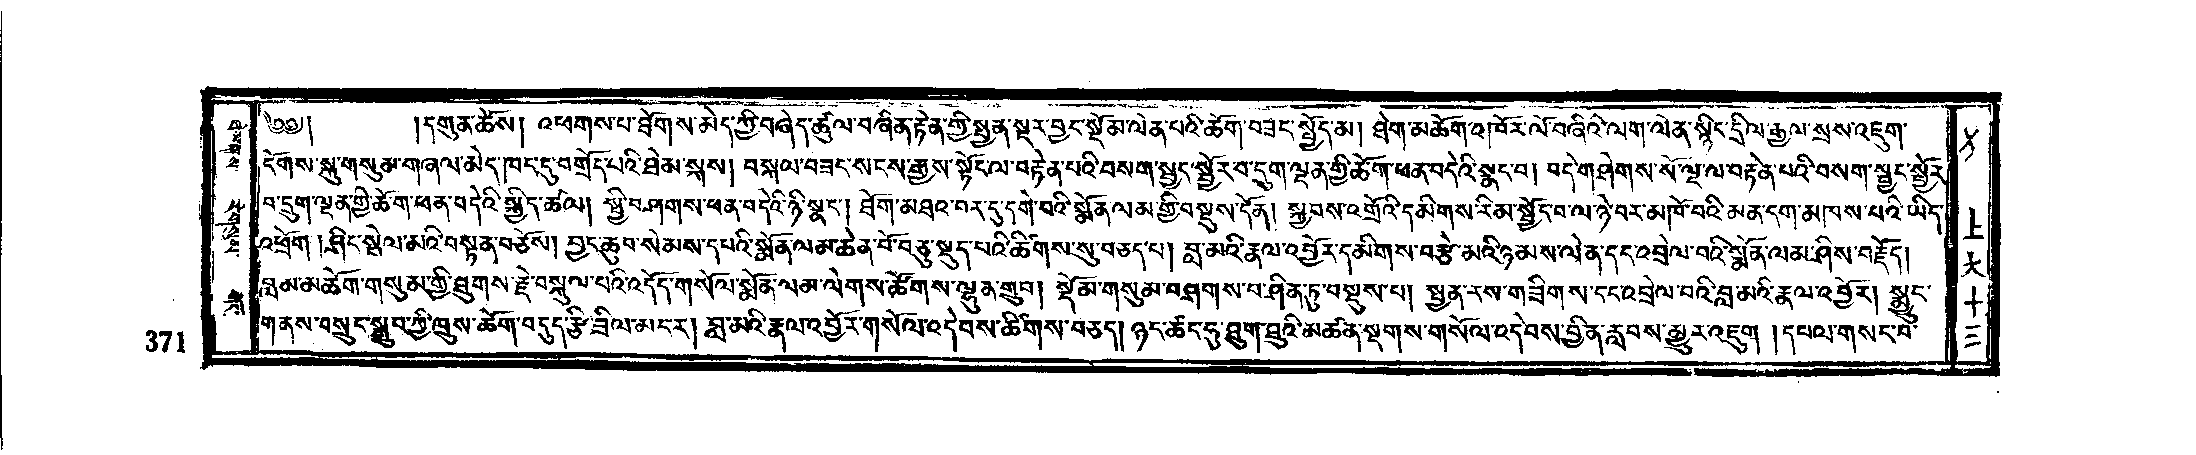༄༅། །དགུན་ཆོས། འཕགས་པ་ཐོགས་མེད་ཀྱི་བཞེད་ཚུལ་བཞིན་རྟེན་གྱི་སྤྱན་སྔར་བྱང་སྡོམ་ལེན་པའི་ཆོག་བཟང་སྤྱོད་མ། ཐེག་མཆོག་འཁོར་ལོ་བཞིའི་ལག་ལེན་སྙིང་དྲིལ་རྒྱལ་སྲས་འཇུག་
དོགས་སྐུ་གསུམ་གཞལ་མེད་ཁང་དུ་བགྲོད་པའི་ཐེམ་སྐས། བསྐལ་བཟང་སངས་རྒྱས་སྟོང་ལ་བརྟེན་པའི་བསག་སྦྱང་སྦྱོར་བ་དུག་ལྡན་གྱི་ཆོ་ག་ཕན་བདེའི་སྣང་བ། བདེ་གཤེགས་སོ་ལྔ་ལ་བརྟེན་པའི་བསག་སྦྱང་སྦྱོར་
བ་དྲུག་ལྡན་གྱི་ཆོ་ག་ཕན་བདེའི་སྐྱིད་ཚལ། སྤྱི་བཤགས་ཕན་བདེའི་ཉི་སྣང་། ཐོག་མཐའ་བར་དུ་དགེ་པའི་སྨོན་ལམ་གྱི་བསྡུས་དོན། སྐྱབས་འགྲོའི་དམིགས་རིམ་སྦྱོང་བ་ལ་ཉེ་བར་མཁོ་བའི་མན་ངག་མཁས་པའི་ཡིད་
འཕྲོག །ཤིང་སྤེལ་མའི་བསྟན་བཅོས། བྱང་ཆུབ་སེམས་དཔའི་སྨོན་ལམ་ཆེན་པོ་བཅུ་སྡུད་པའི་ཚིགས་སུ་བཅད་པ། བླ་མའི་རྣལ་འབྱོར་དམིགས་བརྩེ་མའི་ཉམས་ལེན་དང་འབྲེལ་བའི་སྨོན་ལམ་ཤིས་བརྗོད།
བླ་མ་མཆོག་གསུམ་གྱི་ཐུགས་རྗེ་བསྐུལ་པའི་འདོད་གསོལ་སྨོན་ལམ་ལེགས་ཚོགས་ལྷུན་གྲུབ། སྡོམ་གསུམ་བཤགས་པ་ཤིན་ཏུ་བསྡུས་པ། སྤྱན་རས་གཟིགས་དང་འབྲེལ་བའི་བླ་མའི་རྣལ་འབྱོར། སྨྱུང་
གནས་བསྲུང་སྒྲུབ་ཀྱི་ཁྲུས་ཆོག་བདུད་རྩི་ཟིལ?་མངར། བླ་མའི་རྣལ་འབྱོར་གསོལ་འདེབས་ཚིགས་བཅད། ཉད་ཚང་ཧུ་ཐུག་ཐུའི་མཚན་སྔགས་གསོལ་འདེབས་བྱིན་རླབས་མྱུར་འཇུག །དཔལ་གསང་བ་